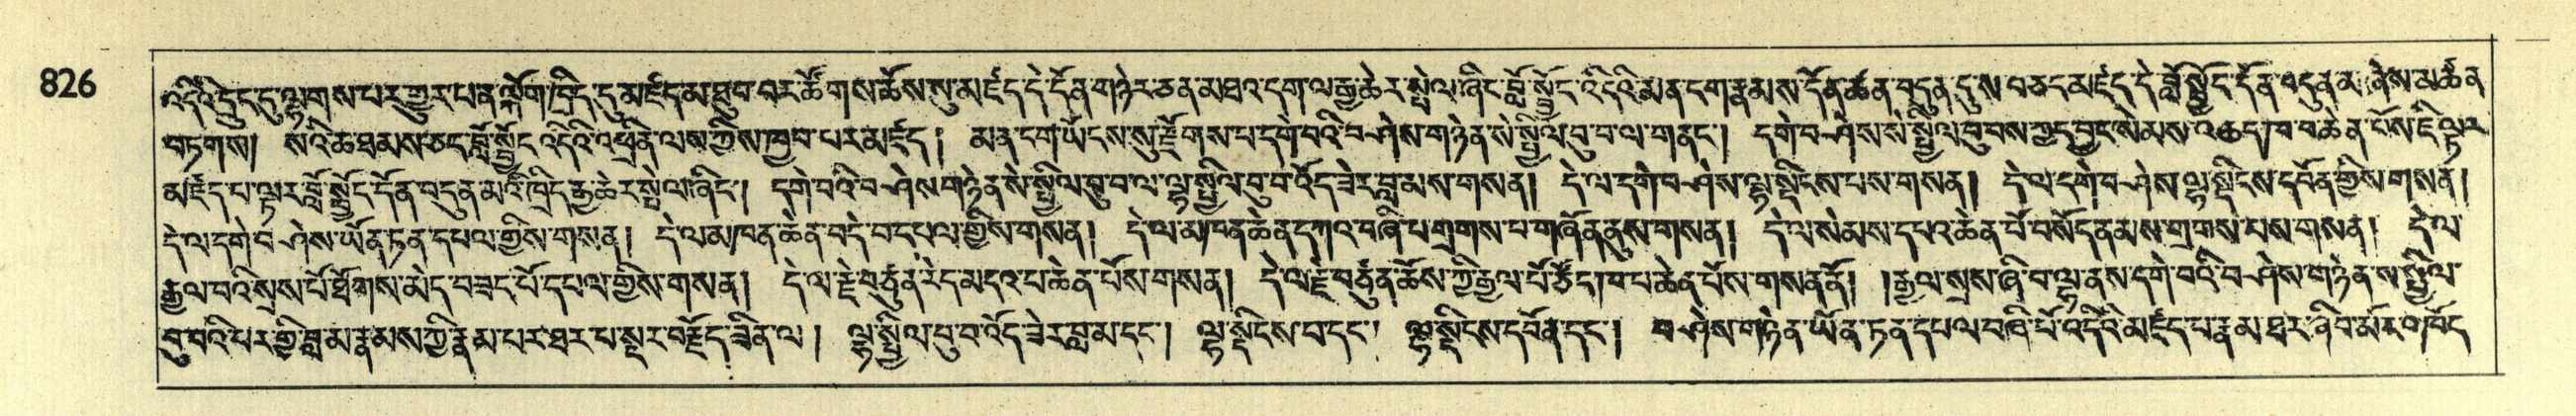འདིའི་དྲུང་དུ་ལྷགས་པར་གྱུར་པ་ན་ལྐོག་ཁྲིད་དུ་མཛད་མ་ཐུབ་བར་ཚོགས་ཆོས་སུ་མཛད་དེ་དོན་གཉེར་ཅན་མཐའ་དག་ལ་རྒྱ་ཆེར་སྤེལ་ཞིང་བློ་སྦྱོང་འདིའི་མན་ངག་རྣམས་དོན་ཚན་བདུན་དུས་བཅད་མཛད་དེ་བློ་སྦྱོང་དོན་བདུན་མ་ཞེས་མཚན་
བཏགས། སའི་ཆ་ཐམས་ཅད་བློ་སྦྱོང་འདིའི་འཕྲིན་ལས་ཀྱིས་ཁྱབ་པར་མཛད། མན་ངག་ཡོངས་སུ་རྫོགས་པ་དགེ་བའི་བཤེས་གཉེན་སེ་སྤྱིལ་བུ་བ་ལ་གནང་། དགེ་བཤེས་སེ་སྤྱིལ་བུ་བས་ཀྱང་བྱང་སེམས་འཆད་ཁ་བ་ཆེན་པོས་ཇི་ལྟར་
མཛད་པ་ལྟར་བློ་སྦྱོང་དོན་བདུན་མའི་ཁྲིད་རྒྱ་ཆེར་སྤེལ་ཞིང་། དགེ་བའི་བཤེས་གཉེན་སེ་སྤྱིལ་བུ་བ་ལ་ལྷ་སྤྱིལ་བུ་བ་འོད་ཟེར་བླ་མས་གསན། དེ་ལ་དགེ་བཤེས་ལྷ་སྡིངས་པས་གསན། དེ་ལ་དགེ་བཤེས་ལྷ་སྡིངས་དབོན་གྱིས་གསན།
དེ་ལ་དགེ་བ་ཤེས་ཡོན་ཏན་དཔལ་གྱིས་གསན། དེ་ལ་མཁན་ཆེན་བདེ་བ་དཔལ་གྱིས་གསན། དེ་ལ་མཁན་ཆེན་དཀའ་བཞི་པ་གྲགས་པ་གཞོན་ནུས་གསན། དེ་ལ་སེམས་དཔའ་ཆེན་པོ་བསོད་ནམས་གྲགས་པས་གསན། དེ་ལ་
རྒྱལ་བའི་སྲས་པོ་ཐོགས་མེད་བཟང་པོ་དཔལ་གྱིས་གསན། དེ་ལ་རྗེ་བཙུན་རེད་མདའ་པ་ཆེན་པོས་གསན། དེ་ལ་རྗེ་བཙུན་ཆོས་ཀྱི་རྒྱལ་པོ་ཙོང་ཁ་པ་ཆེན་པོས་གསན་ནོ། །རྒྱལ་སྲས་ཞི་བ་ལྷ་ནས་དགེ་བའི་བཤེས་གཉེན་ས་སྤྱིལ་
བུ་བའི་པར་གྱི་བླ་མ་རྣམས་ཀྱི་རྣམ་པར་ཐར་པ་སྔར་བརྗོད་ཟིན་ལ། ལྷ་སྤྱིལ་བུ་བ་འོད་ཟེར་བླ་མ་དང་། ལྷ་སྡིངས་བ་དང་། ལྷ་སྡིངས་དབོན་དང་། བཤེས་གཉེན་ཡོན་ཏན་དཔལ་བཞི་པོ་འདིའི་མཛད་པ་རྣམ་ཐར་ཞིབ་མོར་འཁོད་